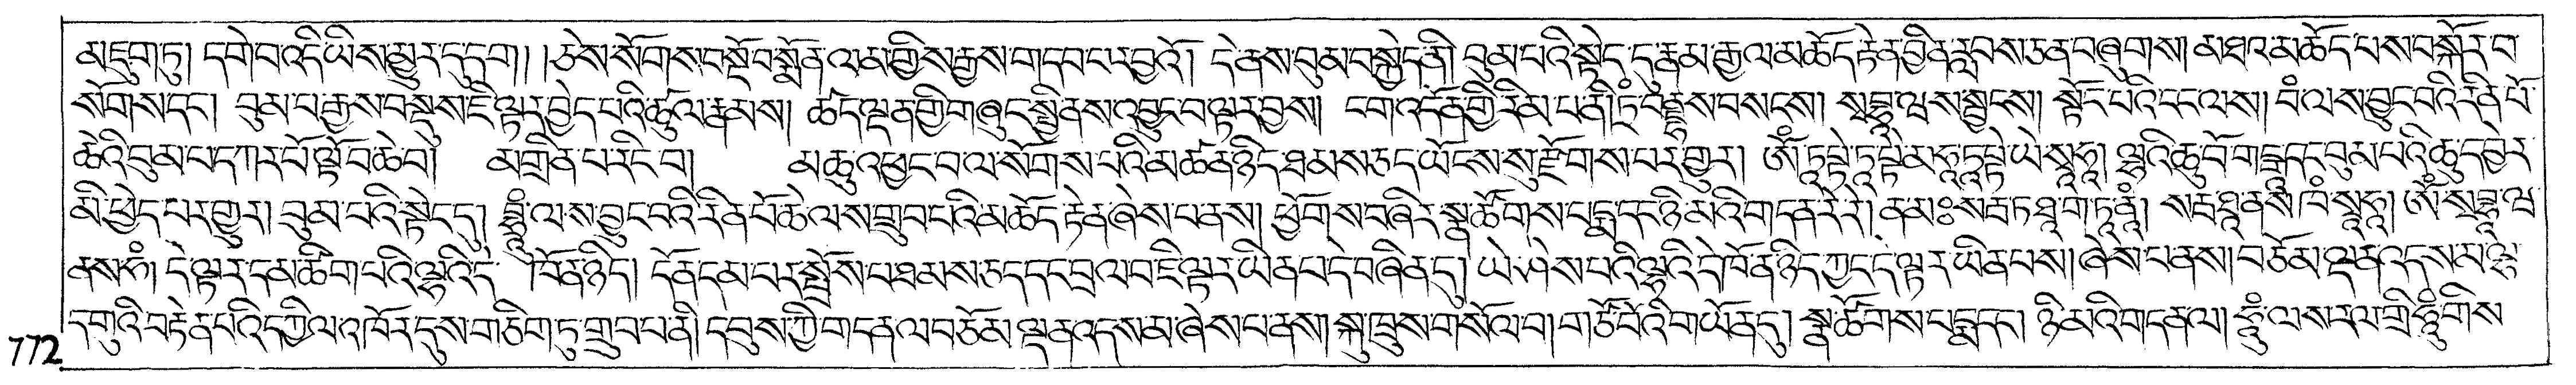མཇུག་ཏུ། དགེ་བ་འདི་ཡིས་མྱུར་དུ་དག ། །ཅེས་སོགས་བསྔོ་བ་སྨོན་ལམ་གྱིས་རྒྱས་གདབ་པར་བྱའོ། དེ་ནས་བུམ་བསྐྱེད་ནི། བུམ་པའི་སྟེང་དུ་རྣམ་རྒྱལ་མཆོད་རྟེན་བྱིན་རླབས་ཅན་བཞུགས། མཐའ་མཆོད་པས་བསྐོར་བ་
སོགས་དང་། བུམ་པ་རྒྱས་བསྡུས་ཇི་ལྟར་བྱེད་པའི་ཚུལ་རྣམས། ཚད་ལྡན་གྱི་གཞུང་སྤྱི་ནས་འབྱུང་བ་ལྟར་བྱས། ངག་འདོན་གྱི་རིམ་པ་ནི། ཏྲཾ་བནྡྷས་བསངས། སྭབྷཱ་ཝས་སྦྱངས། སྟོང་པའི་ངང་ལས། བཾ་ལས་བྱུང་བའི་རིན་པོ་
ཆེའི་བུམ་པ་དཀར་པོ་ལྟོ་བ་ཆེ་བ། མགྲིན་པ་རིང་བ། མཆུ་འཕྱང་བ་ལ་སོགས་པའི་མཚན་ཉིད་ཐམས་ཅད་ཡོངས་སུ་རྫོགས་པར་གྱུར། ཨོཾ་ཏཱ་པྟེ་ཏཱ་པྟེ་མཧཱ་ཏཱ་པྟེ་ཡེ་སྭཱཧཱ། ལྷའི་ཆུ་བོ་གངྒཱ་དང་བུམ་པའི་ཆུ་དབྱེར་
མི་ཕྱེད་པར་གྱུར། བུམ་པའི་སྟེང་དུ། བྷྲཱུཾ་ལས་བྱུང་བའི་རིན་པོ་ཆེ་ལས་གྲུབ་པའི་མཆོད་རྟེན་ཞེས་པ་ནས། ཕྱོགས་བཞིར་སྣ་ཚོགས་པདམ་དང་ཉི་མའི་གདན་རེ་རེ། ན་མཿ སརྦ་ཏ་ཐཱ་ག་ཏཱ་ནཱཾ། སརྦ་ཐཱ་ནས་ཁཾ་སྭཱཧཱ། ཨོཾ་སྭབྷཱ་ཝ་
ནས་ཧཾ། དེ་ལྟར་དམ་ཚིག་པའི་ལྷའི་དེ་ཁོ་ན་ཉིད། དོན་དམ་པར་སྤྲོས་པ་ཐམས་ཅད་དང་བྲལ་བ་ཇི་ལྟར་ཡིན་པ་དེ་བཞིན་དུ། ཡེ་ཤེས་པའི་ལྷའི་དེ་ཁོ་ན་ཉིད་ཀྱང་དེ་ལྟར་ཡིན་པས། ཞེས་པ་ནས། བཅོམ་ལྡན་འདས་མ་ལྷ་
དགུའི་བརྟེན་པའི་དཀྱིལ་འཁོར་དུས་གཅིག་ཏུ་གྲུབ་པ་ནི། དབུས་ཀྱི་གདན་ལ་བཅོམ་ལྡན་འདས་མ་ཞེས་པ་ནས། སྐུ་ཁྲུས་གསོལ་བ། གཙོ་བོའི་གཡོན་དུ། སྣ་ཚོགས་པདམ་དང་། ཉི་མའི་གདན་ལ། ཧཱུཾ་ལས་རལ་གྲི་ཧཱུཾ་གིས་